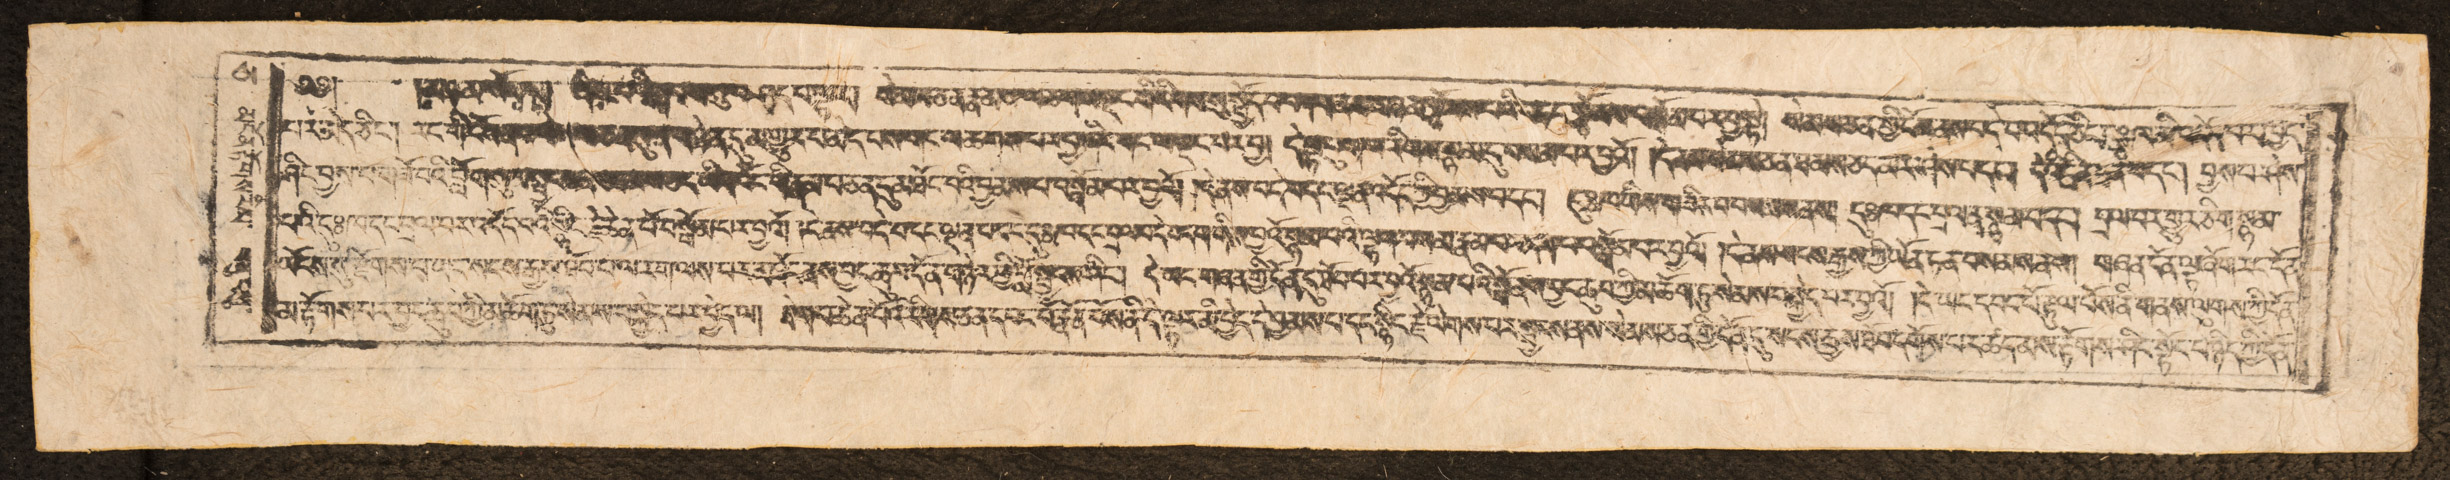༄༅། །མཉམ་སོགས། ཞེས་པའི་སྐབས་སུ་བཤད་པ་ལྟར། སེམས་ཅན་རྣམས་ལ་ཆགས་སྡང་གི་རིགས་སུ་སྤྱོད་པ་བཀག་ནས་མཉམ་སྙོམས་པའི་བཏང་སྙོམས་བསྒོམ་པར་བྱ་སྟེ། སེམས་ཅན་གྱི་ངོས་ནས་བདེ་བ་འདོད་ཅིང་དུཿ ཁ་མི་འདོད་པར་ཁྱད་
པར་མེད་ཅིང་། རང་གི་ངོས་ནས་སེམས་ཅན་ཀུན་གཉེན་དུ་མ་གྱུར་པ་མེད་པས་གང་ལ་ཆགས་པར་བྱ་ཞིང་གང་ལ་སྡང་བར་བྱ། དེ་ལྟ་བུ་ག་ལ་རིགས་སྙམ་དུ་བསམ་པར་བྱའོ། །དེ་ནས་སེམས་ཅན་ཐམས་ཅད་མར་ཤེས་པ་དང་། དེའི་དྲིན་དྲན་པ་དང་། བྱས་པ་ཤེས་
ཤིང་བྱས་པ་གཟོ་བའི་བློ་གསུམ་སྦྱངས་ནས་ཐམས་ཅད་ཡིད་འོང་གི་རྣམ་པ་ཅན་དུ་མཐོང་བའི་བྱམས་པ་བསྒོམ་པར་བྱའོ། །དེ་ནས་བདེ་བ་དང་ལྡན་འདོད་ཀྱི་བྱམས་པ་དང་། དུཿ ཁ་ཡིས་གཟིར་བ་བསམས་ནས། དུཿ ཁ་དང་བྲལ་ན་སྙམ་པ་དང་། བྲལ་བར་གྱུར་ཅིག་སྙམ་
པའི་དུཿ ཁ་དང་བྲལ་བར་འདོད་པའི་སྙིང་རྗེ་ཆེན་པོ་བསྒོམ་པར་བྱའོ། །དེ་ནས་བདེ་བ་དང་ལྡན་པ་དང་དུཿ ཁ་དང་བྲལ་བ་དེ་བདག་གིས་བྱའོ་སྙམ་པའི་ལྷག་བསམ་རྣམ་པར་དག་པ་བསྒོམ་པར་བྱའོ། །དེ་ནས་སངས་རྒྱས་ཀྱི་ཡོན་ཏན་བསམས་ནས། གཞན་དོན་ལྟ་ཞོག་རང་དོན་
ཡོངས་སུ་རྫོགས་པ་ཡང་སངས་རྒྱས་ཐོབ་པ་ལ་རག་ལས་པར་མཐོང་ནས་བྱང་ཆུབ་དོན་གཉེར་གྱི་བློ་སྦྱངས་ཤིང་། དེ་ཡང་གཞན་གྱི་དོན་དུ་ཐོབ་པར་བྱའོ་སྙམ་པའི་སྒོ་ནས་བྱང་ཆུབ་ཀྱི་མཆོག་ཏུ་སེམས་བསྐྱེད་པར་བྱའོ། །དེ་ཡང་དབང་པོ་རྟུལ་པོས་ནི་གནས་ལུགས་ཀྱི་དོན་
མ་རྟོགས་པར་བྱང་ཆུབ་ཀྱི་མཆོག་ཏུ་སེམས་བསྐྱེད་པར་བྱེད་ལ། ཐེག་པ་ཆེན་པོའི་རིགས་ཅན་དབང་པོ་རྣོན་པོས་ནི་དེ་ལྟར་མི་བྱེད་དེ་བྱམས་པ་དང་སྙིང་རྗེ་ལེགས་པར་སྦྱངས་ནས་སེམས་ཅན་གྱི་དོན་དུ་སངས་རྒྱས་ཐོབ་དགོས་པར་ཚད་མས་རྟོགས་ཤིང་སྟོང་པ་ཉིད་ཀྱི་དོན་